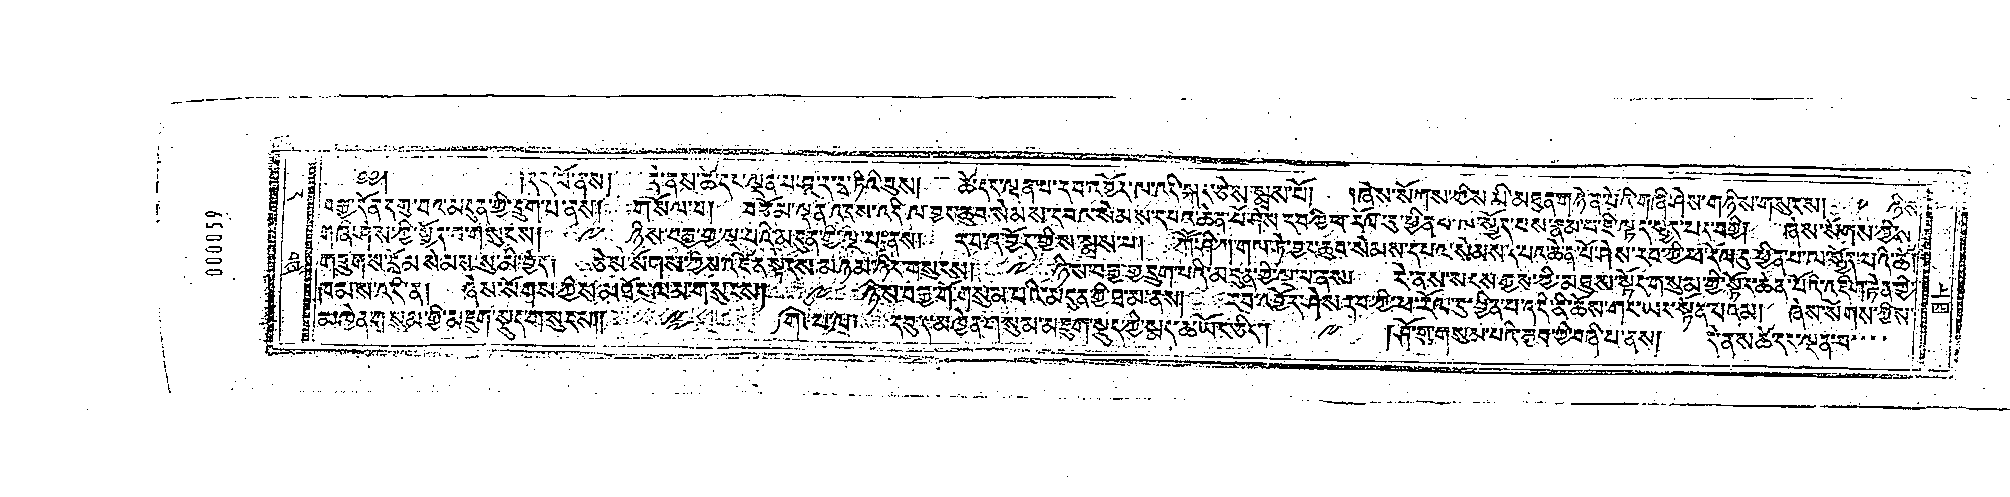༄༅། །དང་པོ་ནས། དེ་ནས་ཚེ་དང་ལྡན་པ་ཤཱ་ར་དྭ་ཏིའི་བུས། ཚེ་དང་ལྡན་པ་རབ་འབྱོར་ལ་འདི་སྐད་ཅེས་སྨྲས་བོ། །ཞེས་སོགས་ཀྱིས་མི་མཐུན་གཉེན་པོའི་གཞི་ཤེས་གཉིས་གསུངས། ༧་ཉིས་
བརྒྱ་དོན་དགུ་བའི་མདུན་གྱི་དྲུག་པ་ནས། གསོལ་བ། བཅོམ་ལྡན་འདས་འདི་ལ་བྱང་ཆུབ་སེམས་དཔའ་སེམས་དཔའ་ཆེན་པོ་ཤེས་རབ་ཀྱི་ཕ་རོལ་དུ་ཕྱིན་བ་ལ་སྤྱོད་པས་རྣམ་པ་ཇི་ལྟར་སྦྱད་པར་བགྱི། ཞེས་སོགས་ཀྱིས་
གཞི་ཤེས་ཀྱི་སྦྱོར་བ་གསུངས། ༧་ཉིས་བརྒྱ་གྱ་ལྔ་པའི་མདུན་གྱི་ལྔ་པ་ནས། རབ་འབྱོར་གྱིས་སྨྲས་པ། ཀཽ་ཤི་ཀ་གལ་ཏེ་བྱང་ཆུབ་སེམས་དཔའ་སེམས་དཔའ་ཆེན་པོ་ཤེས་རབ་ཀྱི་ཕ་རོལ་དུ་ཕྱིན་པ་ལ་སྤྱོད་པའི་ཚེ།
གཟུགས་རློམ་སེམས་སུ་མི་བྱེད། ཅེས་སོགས་ཀྱིས་འཛིན་སྟངས་མཉམ་ཉིང་གསུངས། ༧་ཉིས་བརྒྱ་གྱ་དྲུག་པའི་མདུན་གྱི་ལྔ་པ་ནས། དེ་ནས་སངས་རྒྱས་ཀྱི་མཐུས་སྟོང་གསུམ་གྱི་སྟོང་ཆེན་པོའི་འཇིག་རྟེན་གྱི་
ཁམས་འདི་ན། ཞེས་སོགས་ཀྱིས་མཐོང་ལམ་གསུངས། ༧་ཉིས་བརྒྱ་གོ་གསུམ་པའི་མདུན་གྱི་ཐ་མ་ནས། རབ་འབྱོར་ཤེས་རབ་ཀྱི་ཕ་རོལ་དུ་ཕྱིན་པ་འདི་ནི་ཆོས་གང་ཡང་སྟོན་པའམ། ཞེས་སོགས་ཀྱིས་
མཁྱེན་གསུམ་གྱི་མཇུག་སྡུད་གསུངས།། ༧་ག྄་པ་ལ། དབུར་མཁྱེན་གསུམ་མཇུག་སྡུད་ཀྱི་སྨད་ཆ་ཡོང་ཅིང་། ༧་།ཤོ་གུ་གསུམ་པའི་རྒྱབ་ཀྱི་བཞི་པ་ནས། དེ་ནས་ཚེ་དང་ལྡན་པ་